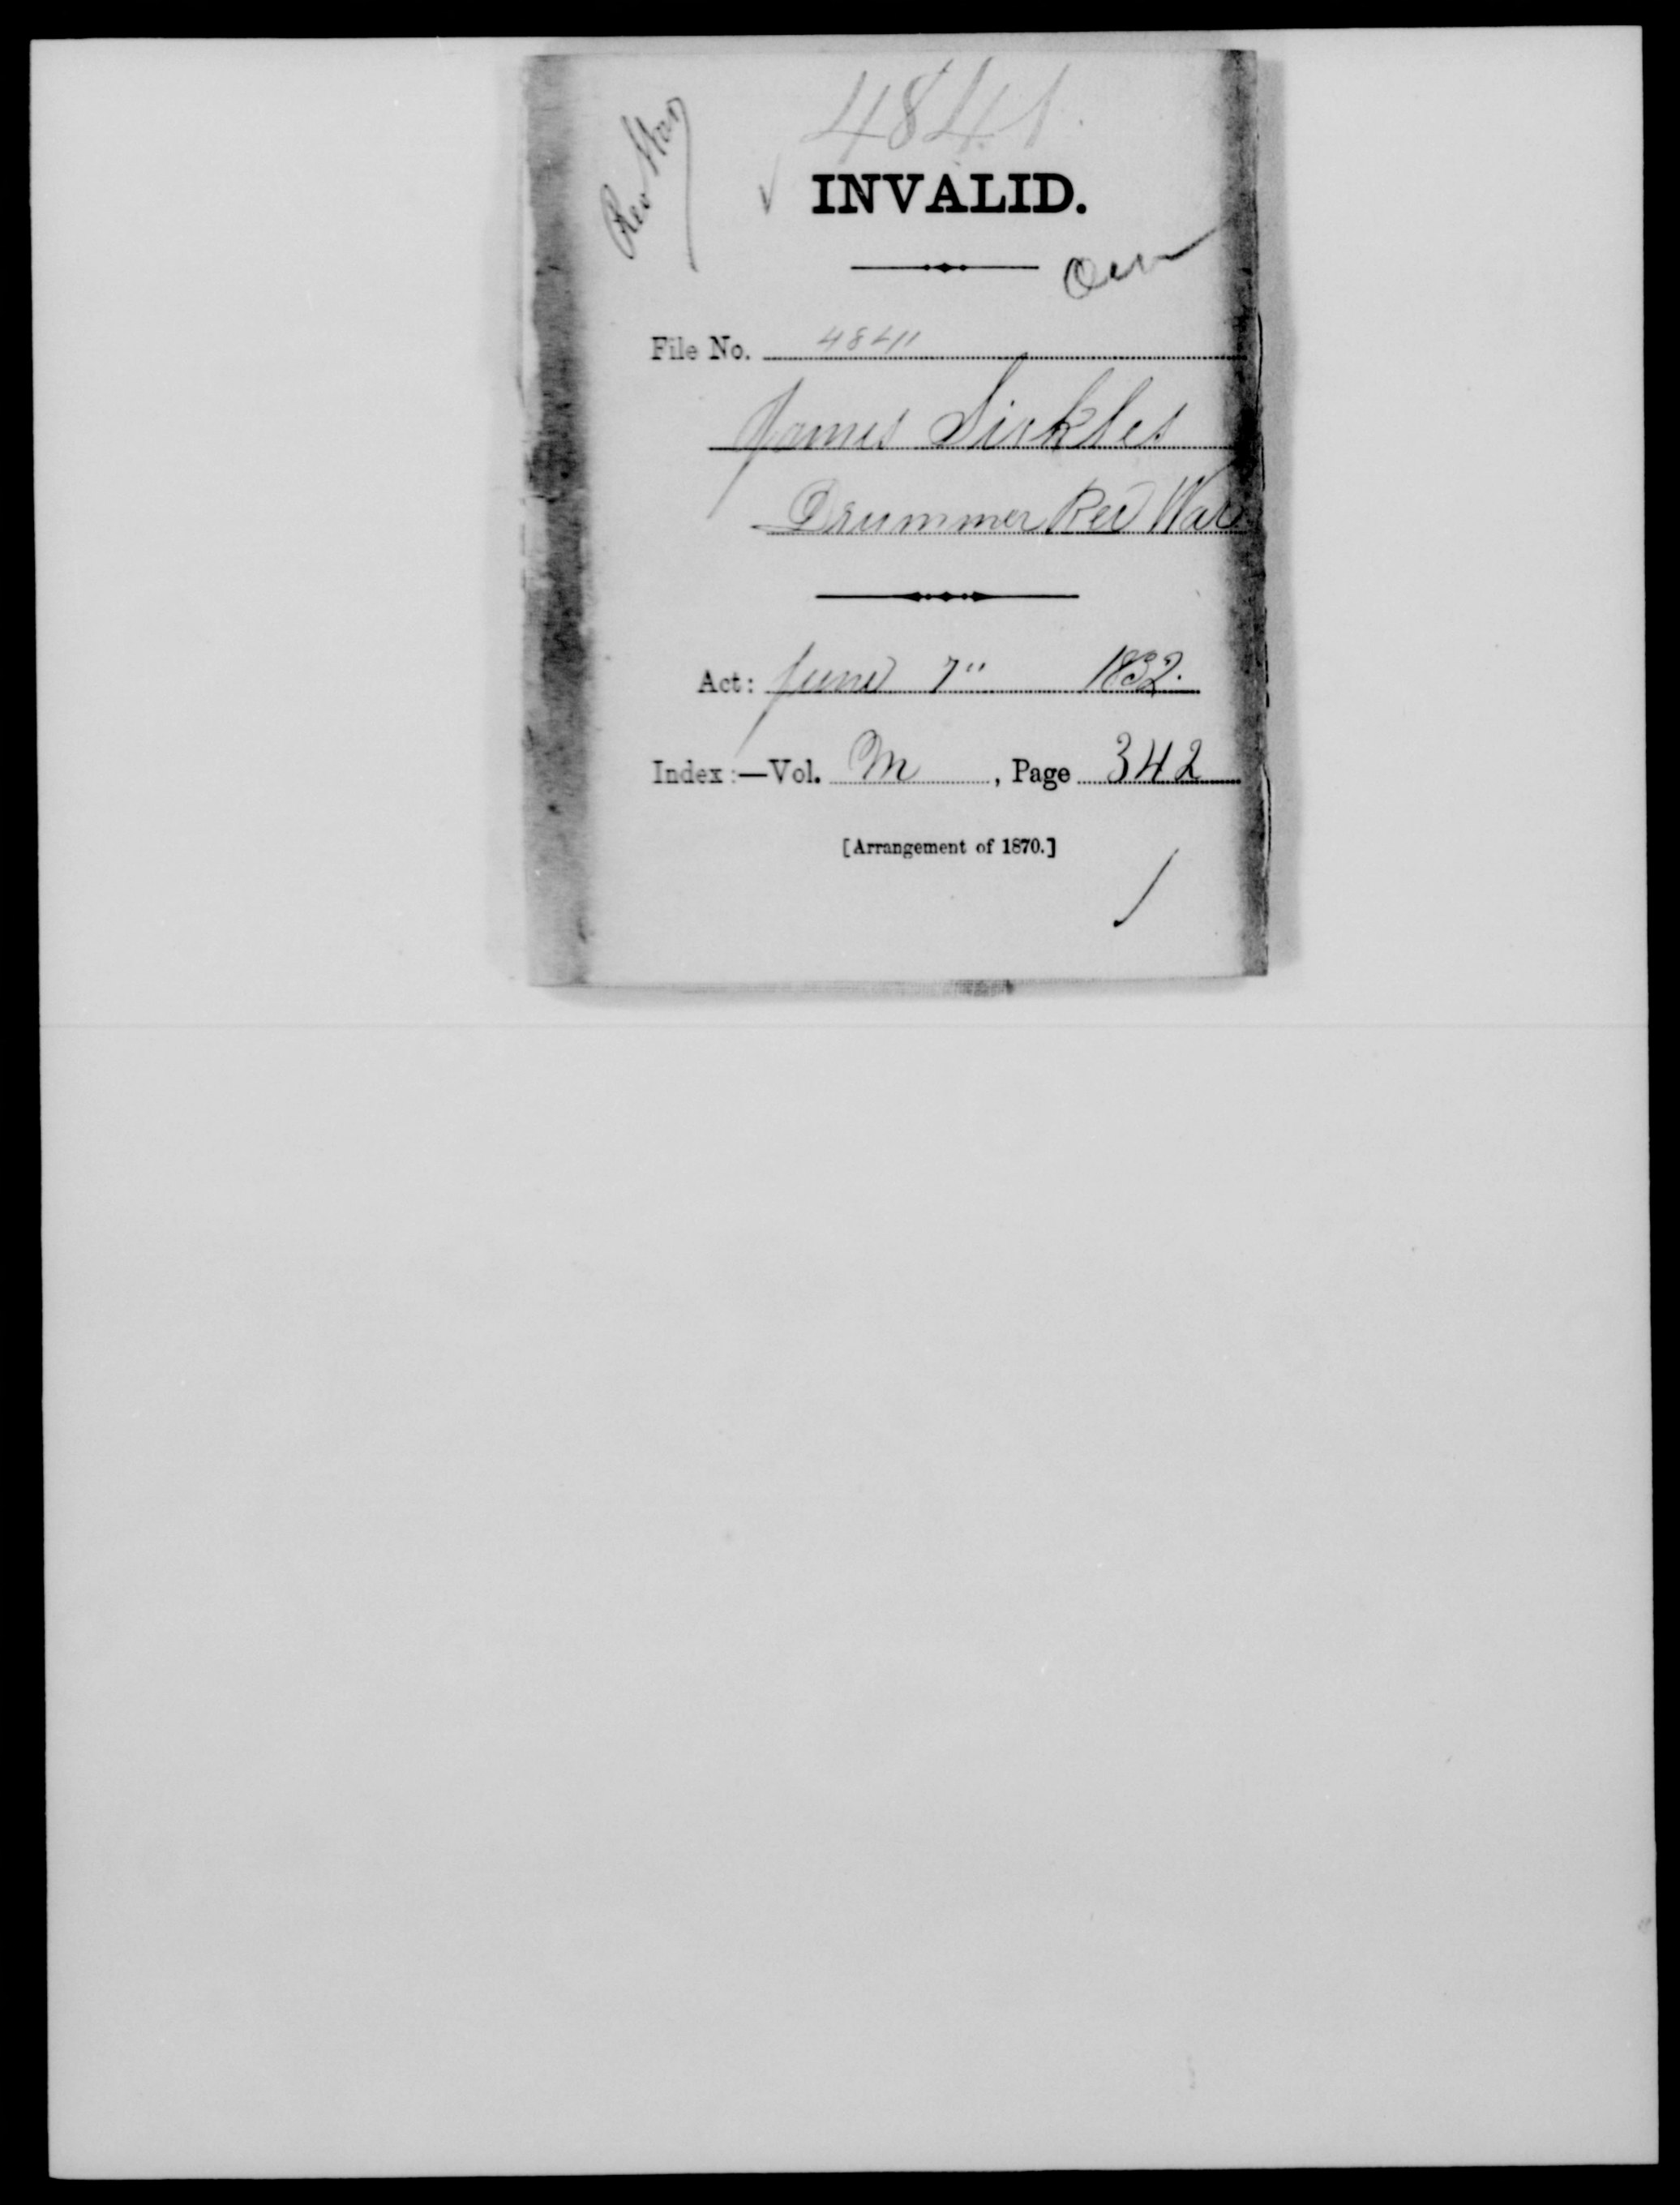Rev War
4841
INVALID.
[Illegible]
File No. 4841
James Sickles
Drummer Rev War
Act: June " 1832.
Index:--Vol. M, Page 342
[Arrangement of 1870.]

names: James Sickles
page: 9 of 33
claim: survivor's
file: S. 4,841, for James Sickles, New Jersey